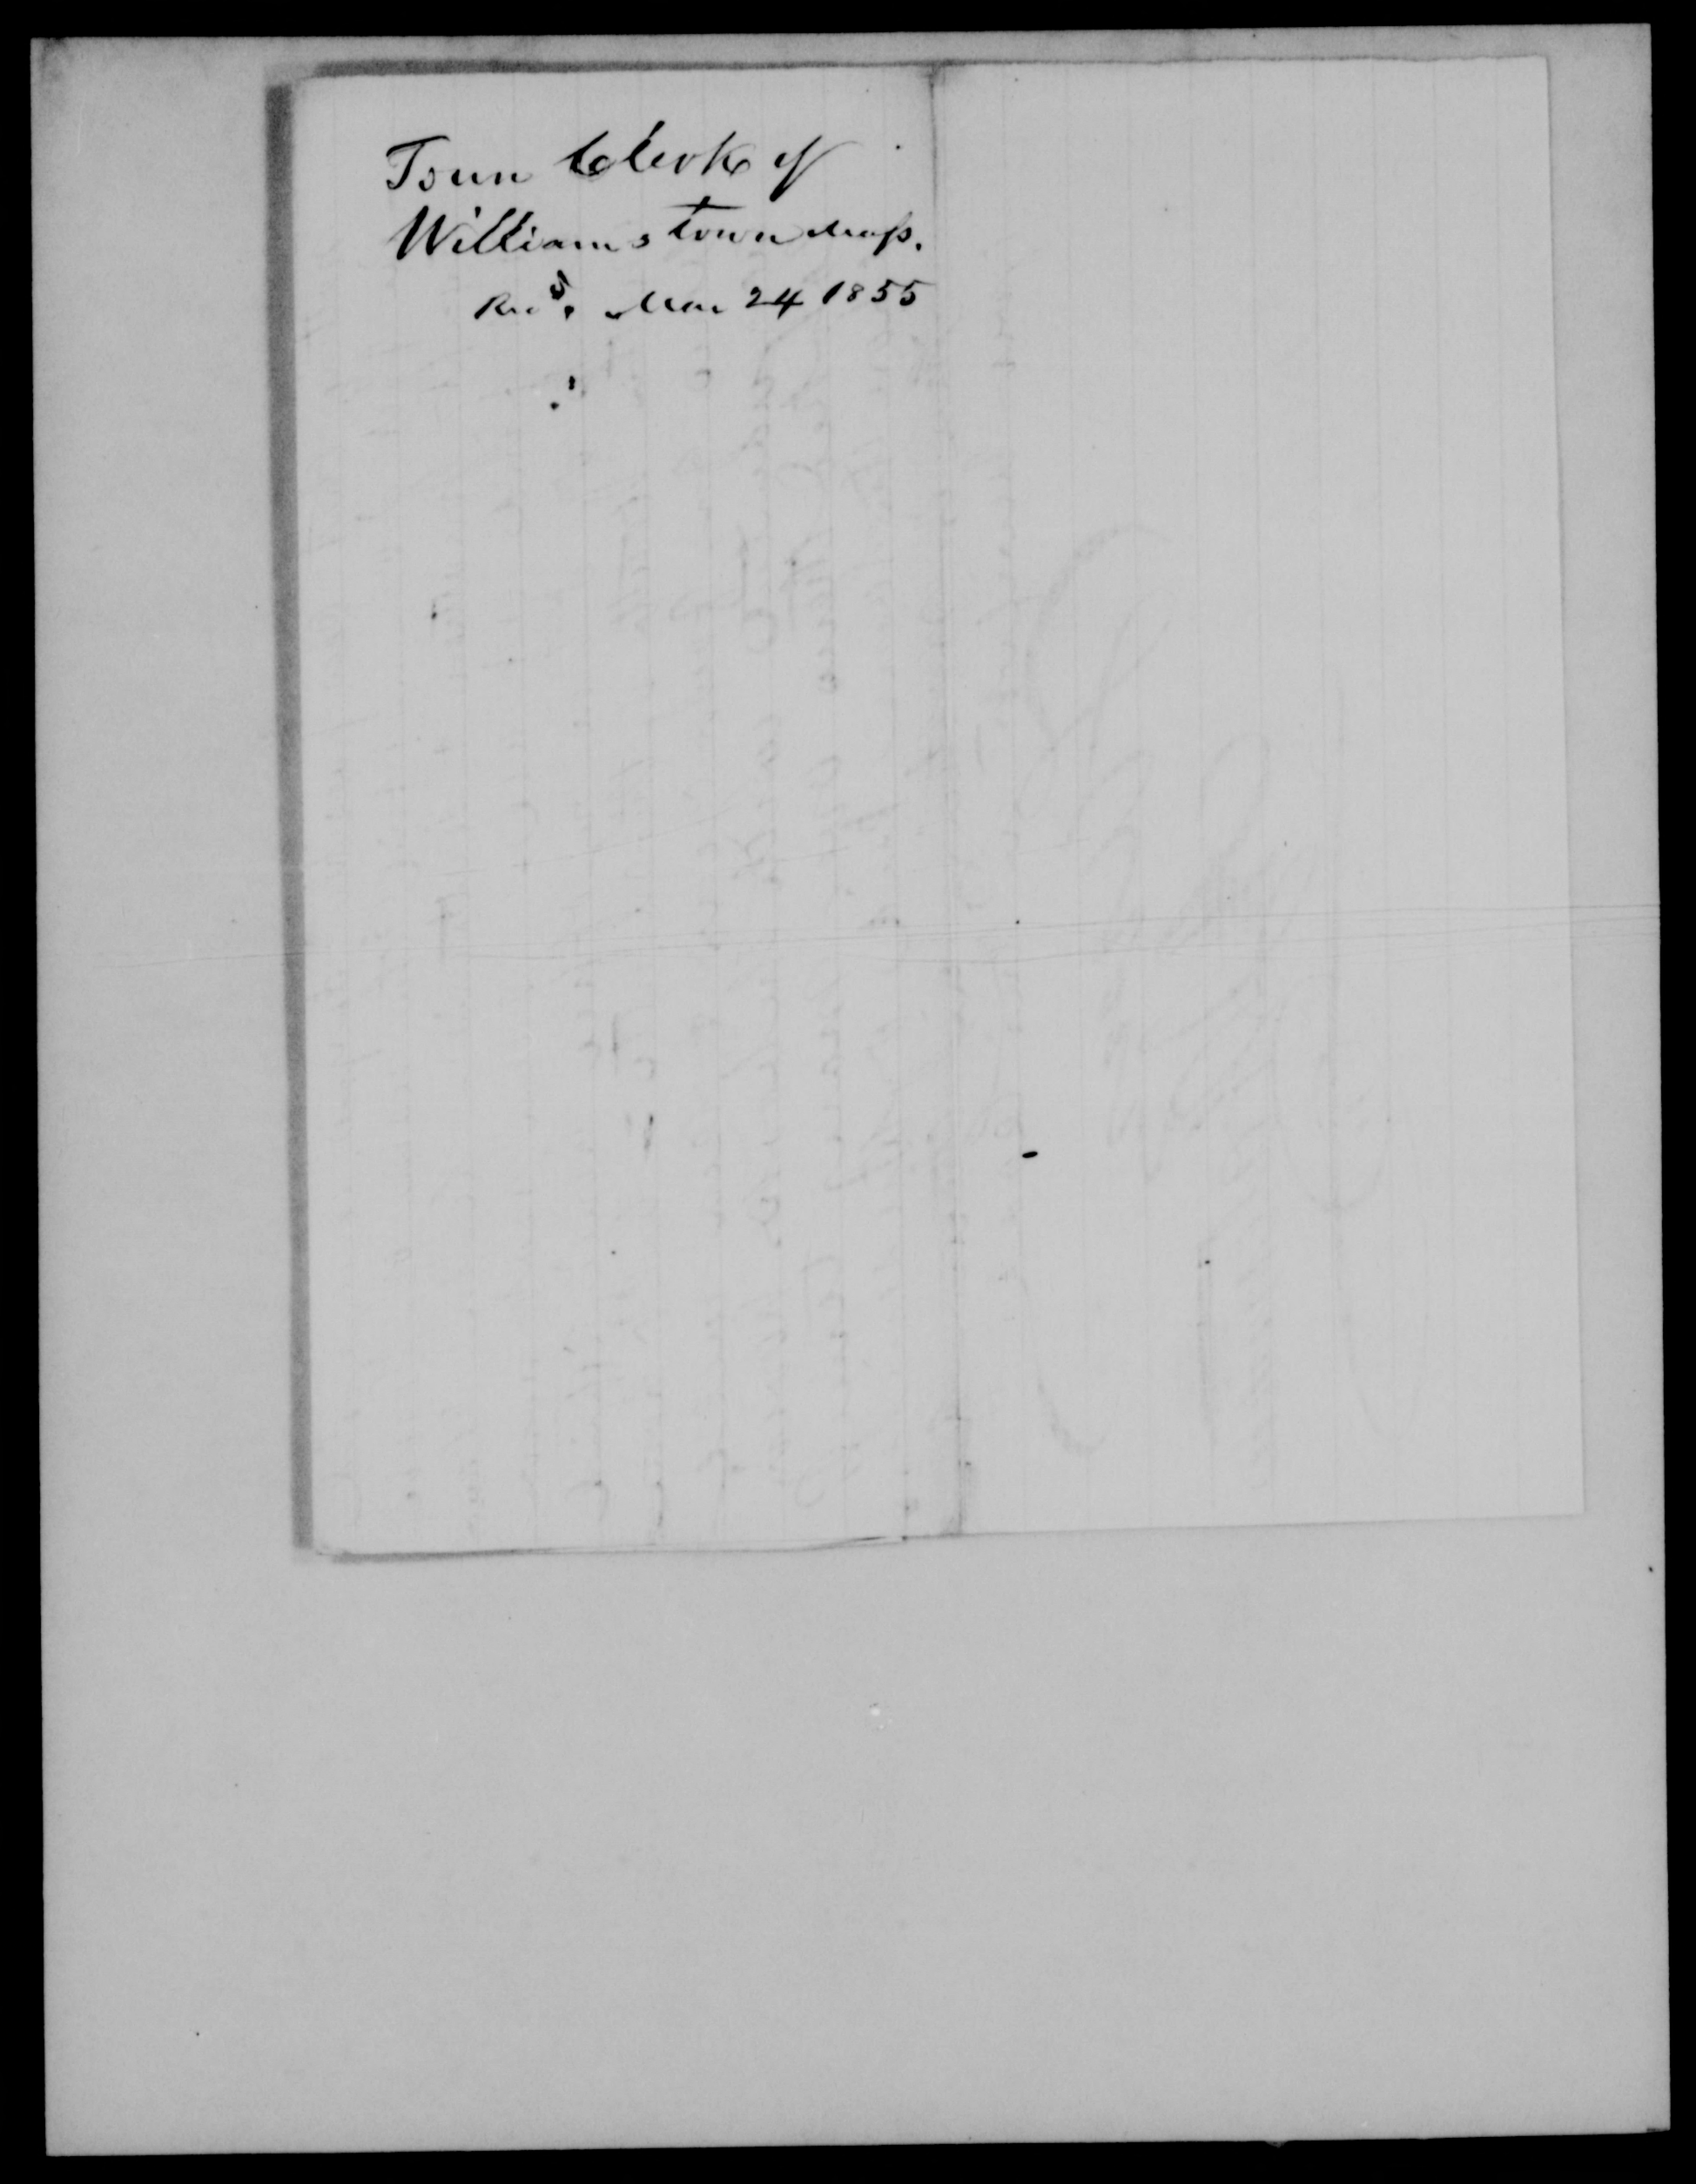Town Clerk of Williamstown, Mass.
rec'd mar 24 1855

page: 29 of 64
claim: widow's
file: W. 5831, Edmund Town, Mass.